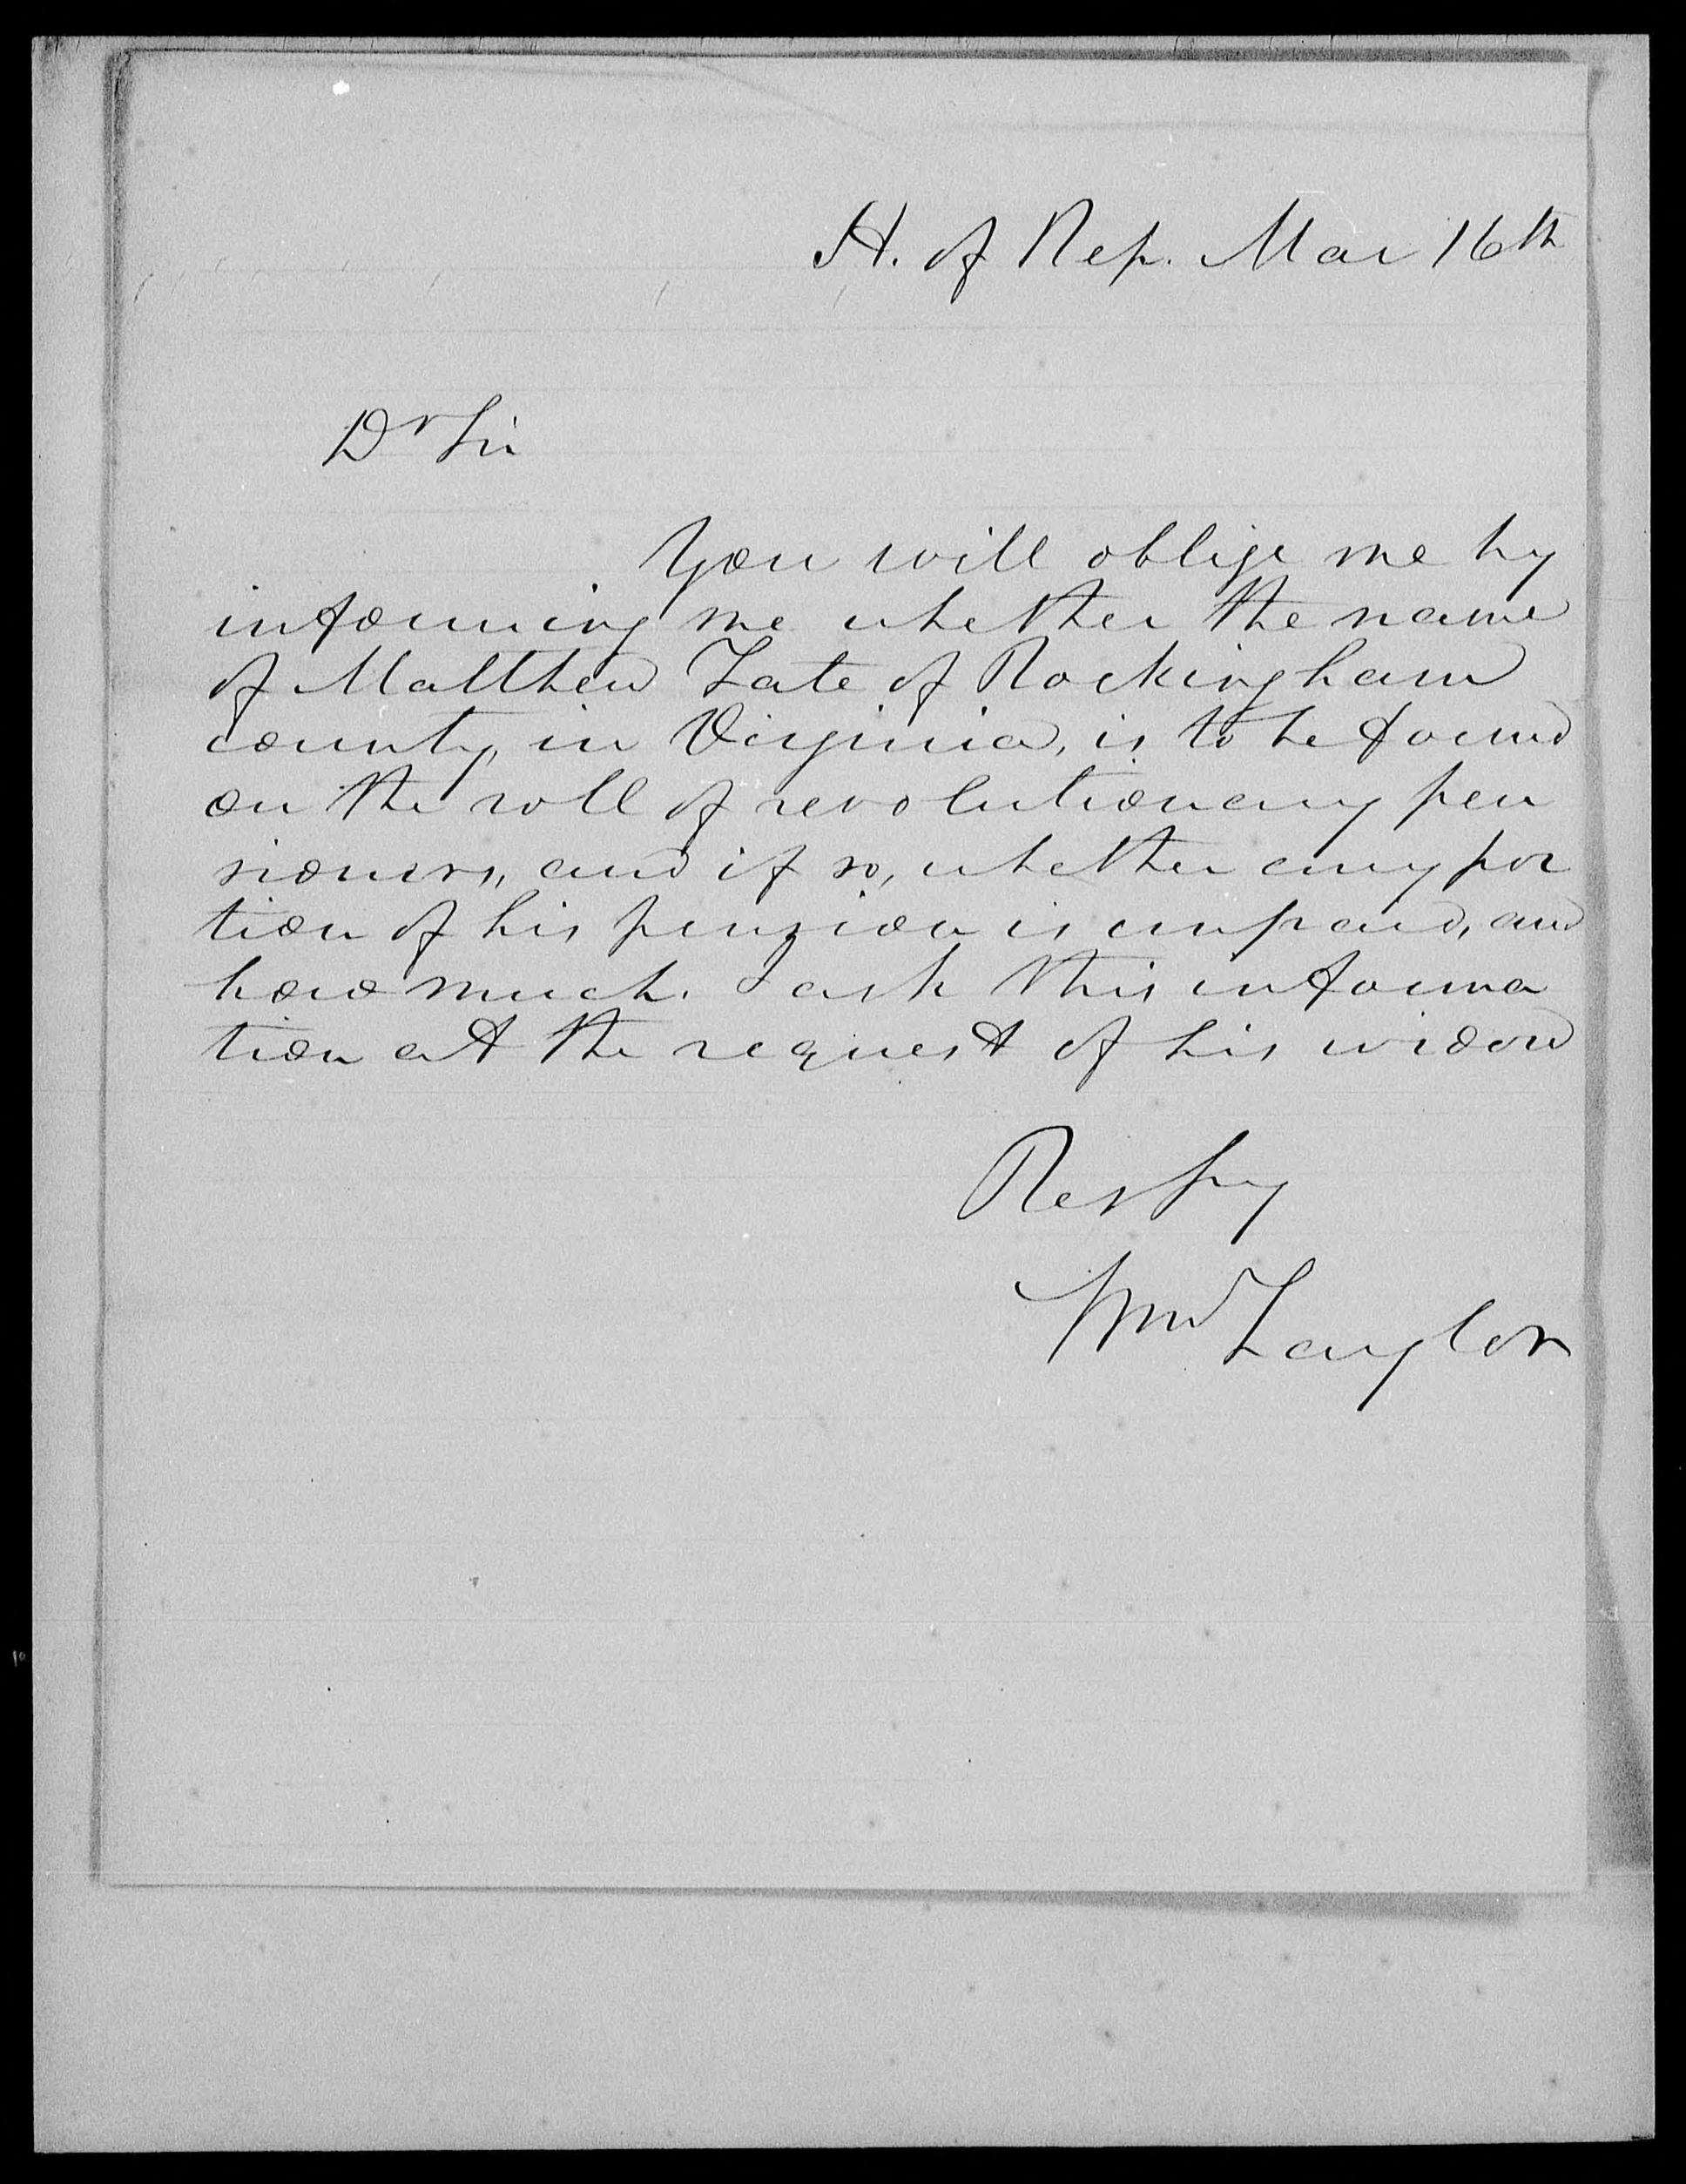H. of Rep. March 16th
Dear Sir
You will oblige me by
informing me whether the name of 
Matthew Tate of Rockingham
County of Virginia, is to be found
on the roll of revolutionary per
sioners, if so, whether any for 
tion of his pension is unpaid, and 
how much. I as this information 
at the request of his widow
Respy
Mrs. Layler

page: 8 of 18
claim: survivor's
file: S. 11,508, for Mathew Tate, Virginia